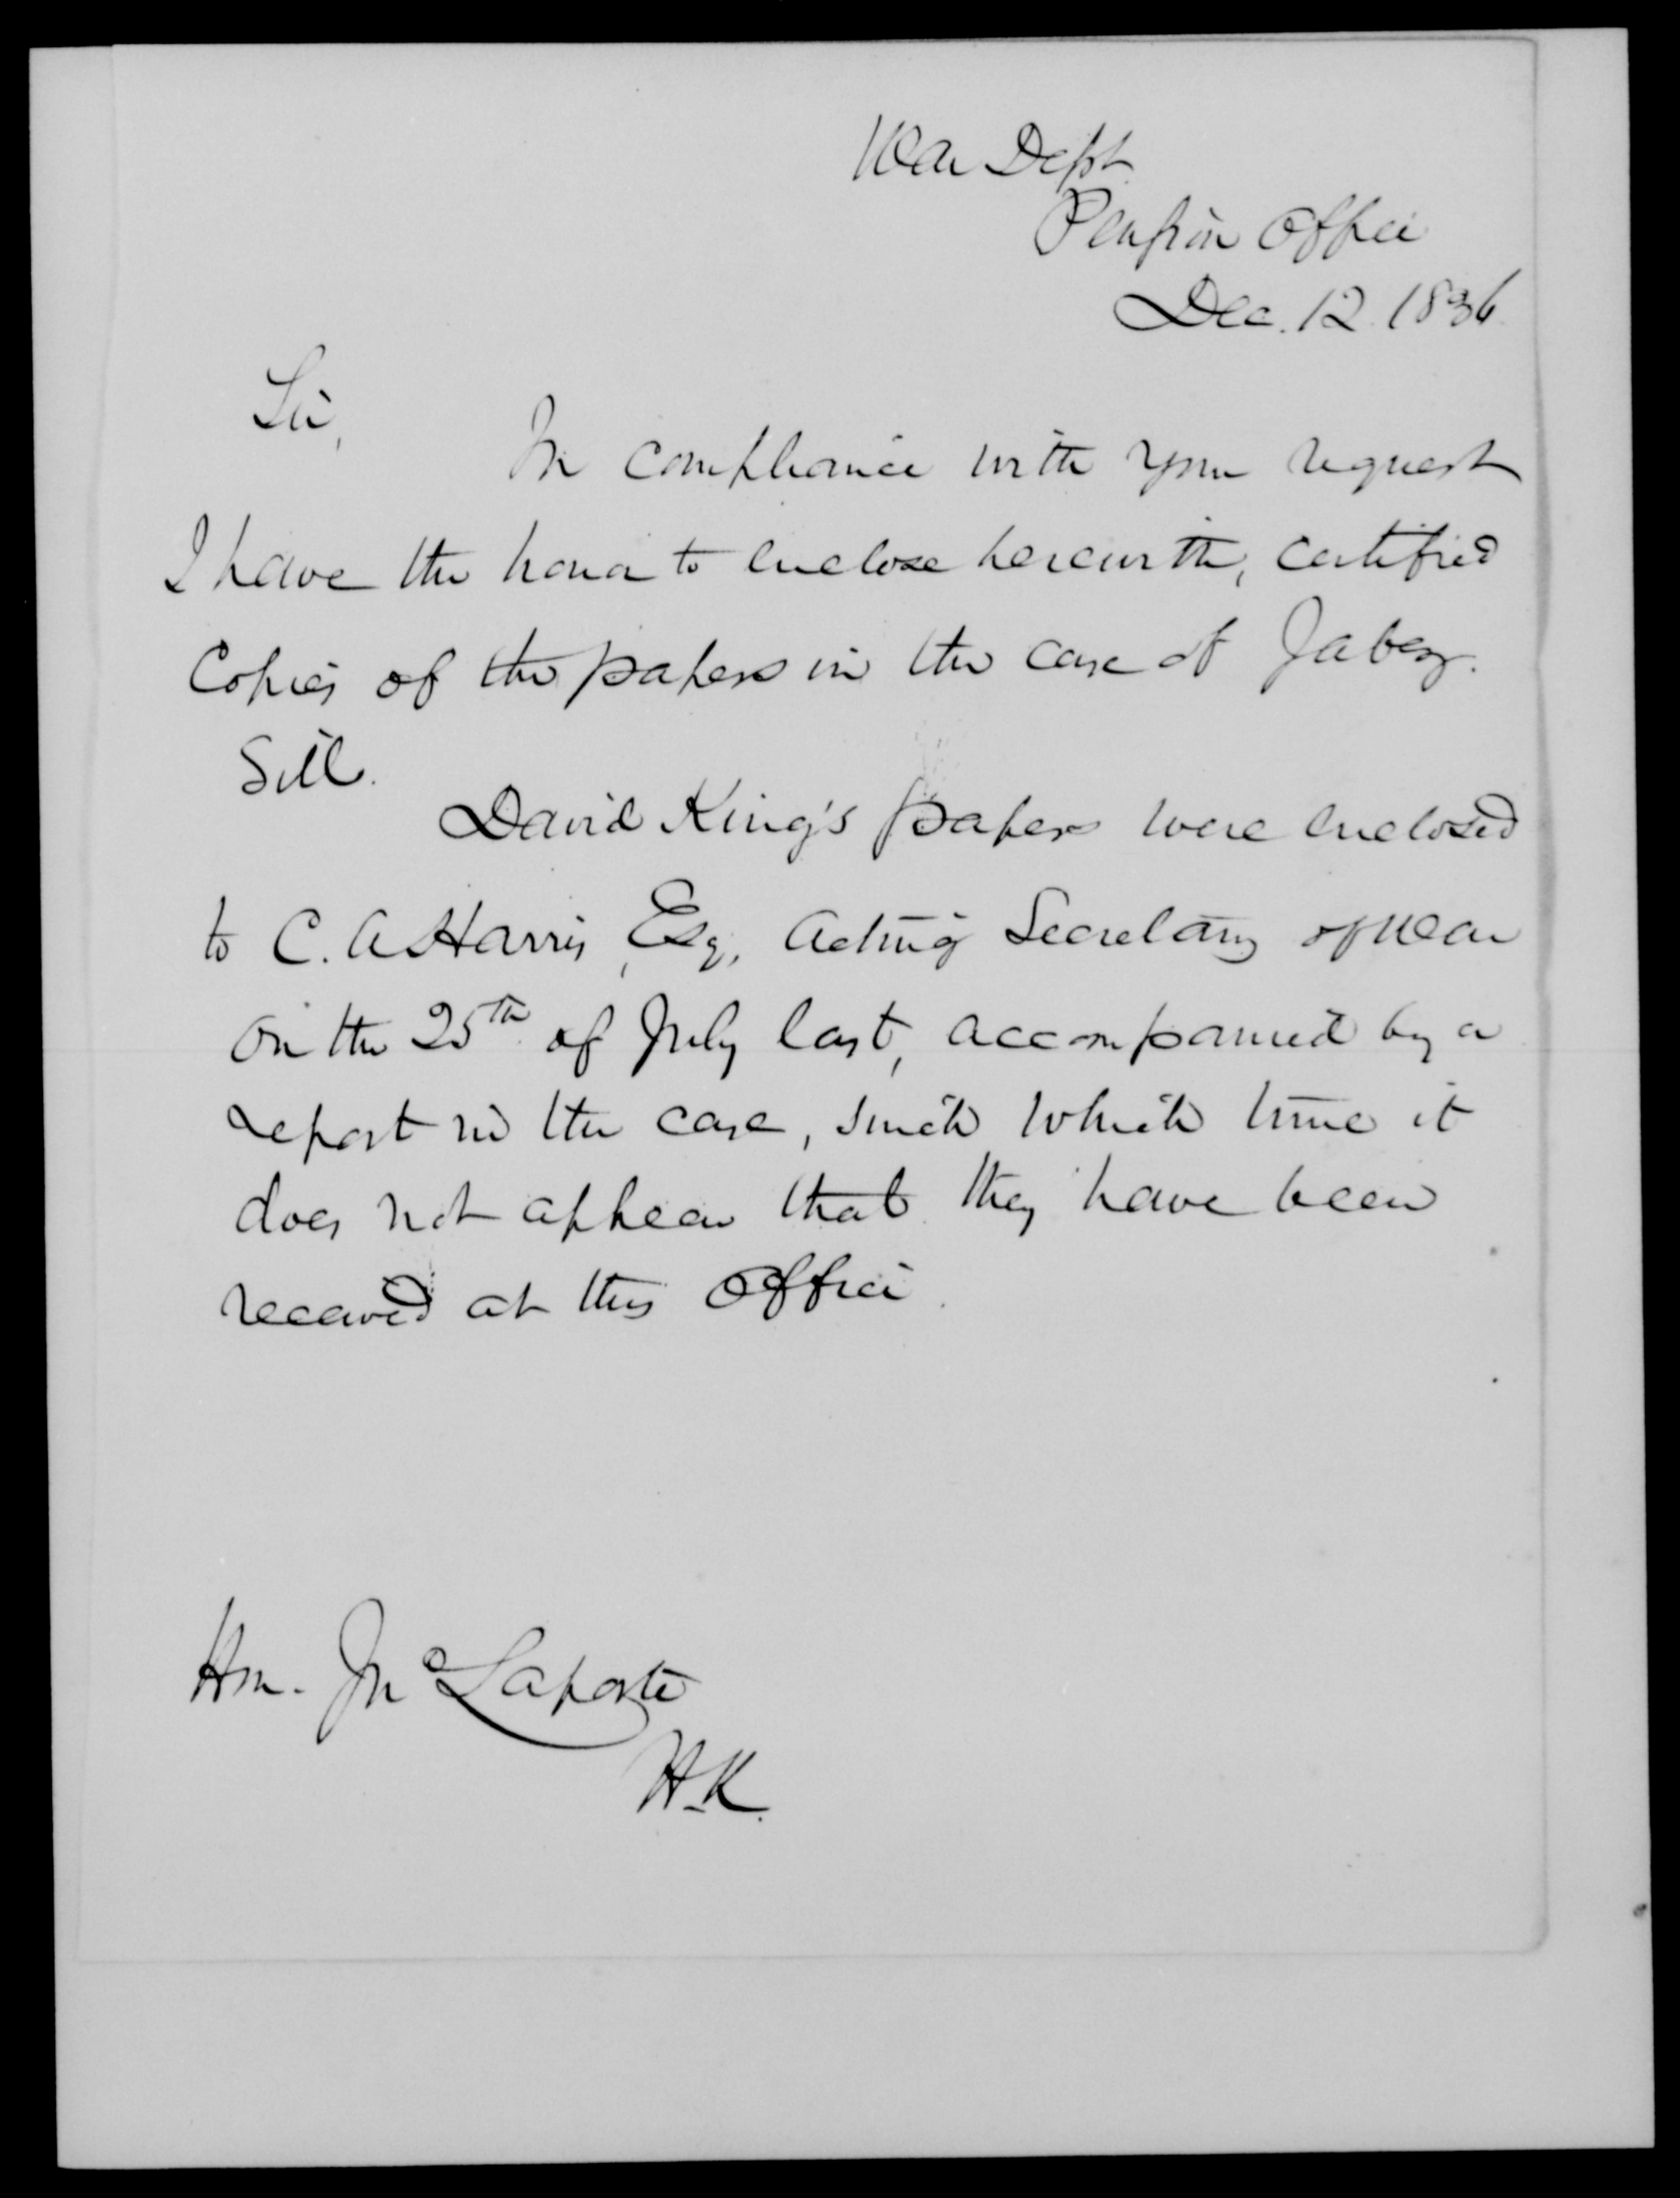War Dept.
Pension Office
Dec . 12 1836
Sir,
In compliance with your request I have the honor to enclose herewith, the certified copies of the papers in the case of Jabez Sill.
David King's papers were enclosed to C. A. Harris, Esq., Acting Secretary of War on the 25th of July last, accompanied by a report in the case, since which time it does not appear that they have been received at this office.
Hon. Jno Laporte
H.R.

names: Jno Laporte; C A Harris; David King; Jabez Sill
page: 29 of 29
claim: rejected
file: R. 9570, for Jabez Sill, Connecticut